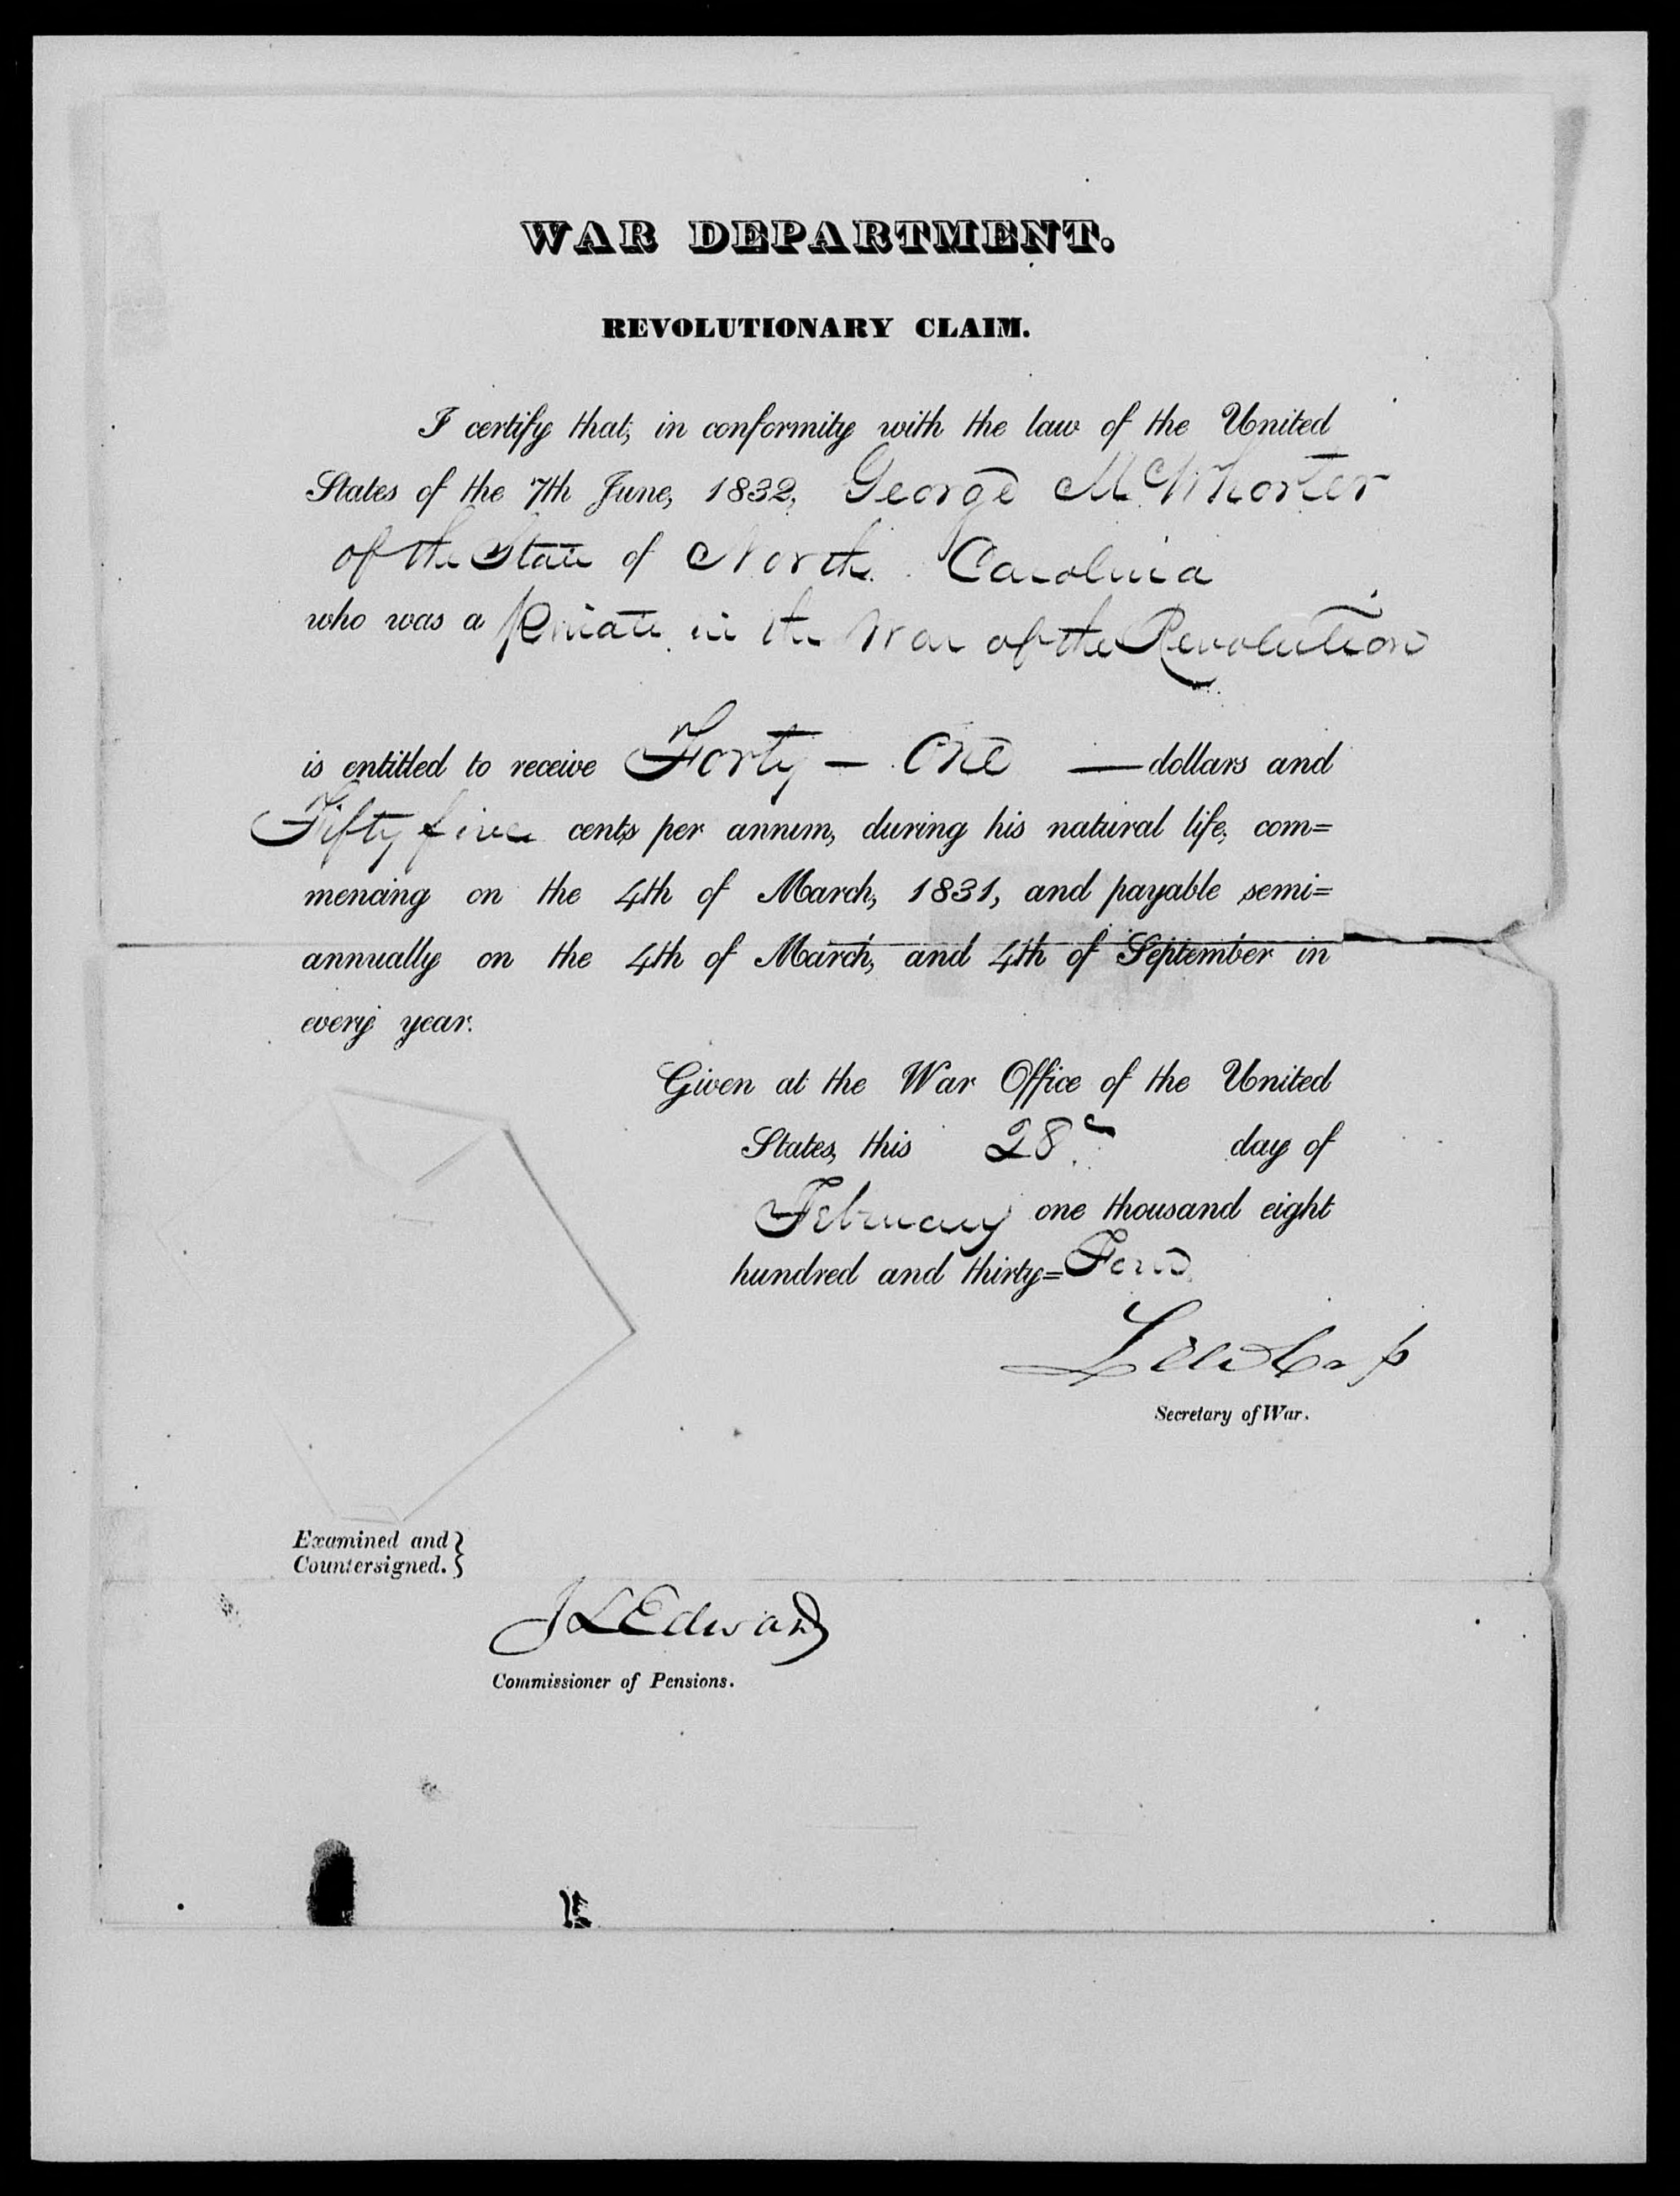WAR DEPARTMENT. REVOLUTIONARY CLAIM. I  certify  that, in conformity with the law of the United States of the 7th June 1832, George McWhorter of the State of North Carolina who was a private in the War of the Revolution is entitled to receive Forty one dollars and Fifty five cents per annum, during his natural life, commencing on the 4th of March 1831, and payable semi - annually on the 4th March and  4th September in every year. Given at the War Office of the United States this 28th day of February  one thousand eight hundred and thirty four. Lewis Cass ( signed ) Secretary of War.  { Examined and Countersigned } Seal   J .L. Edwards Commissioner of Pensions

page: 19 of 35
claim: survivor's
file: S. 9,011, for George Mc Whorter, North Carolina